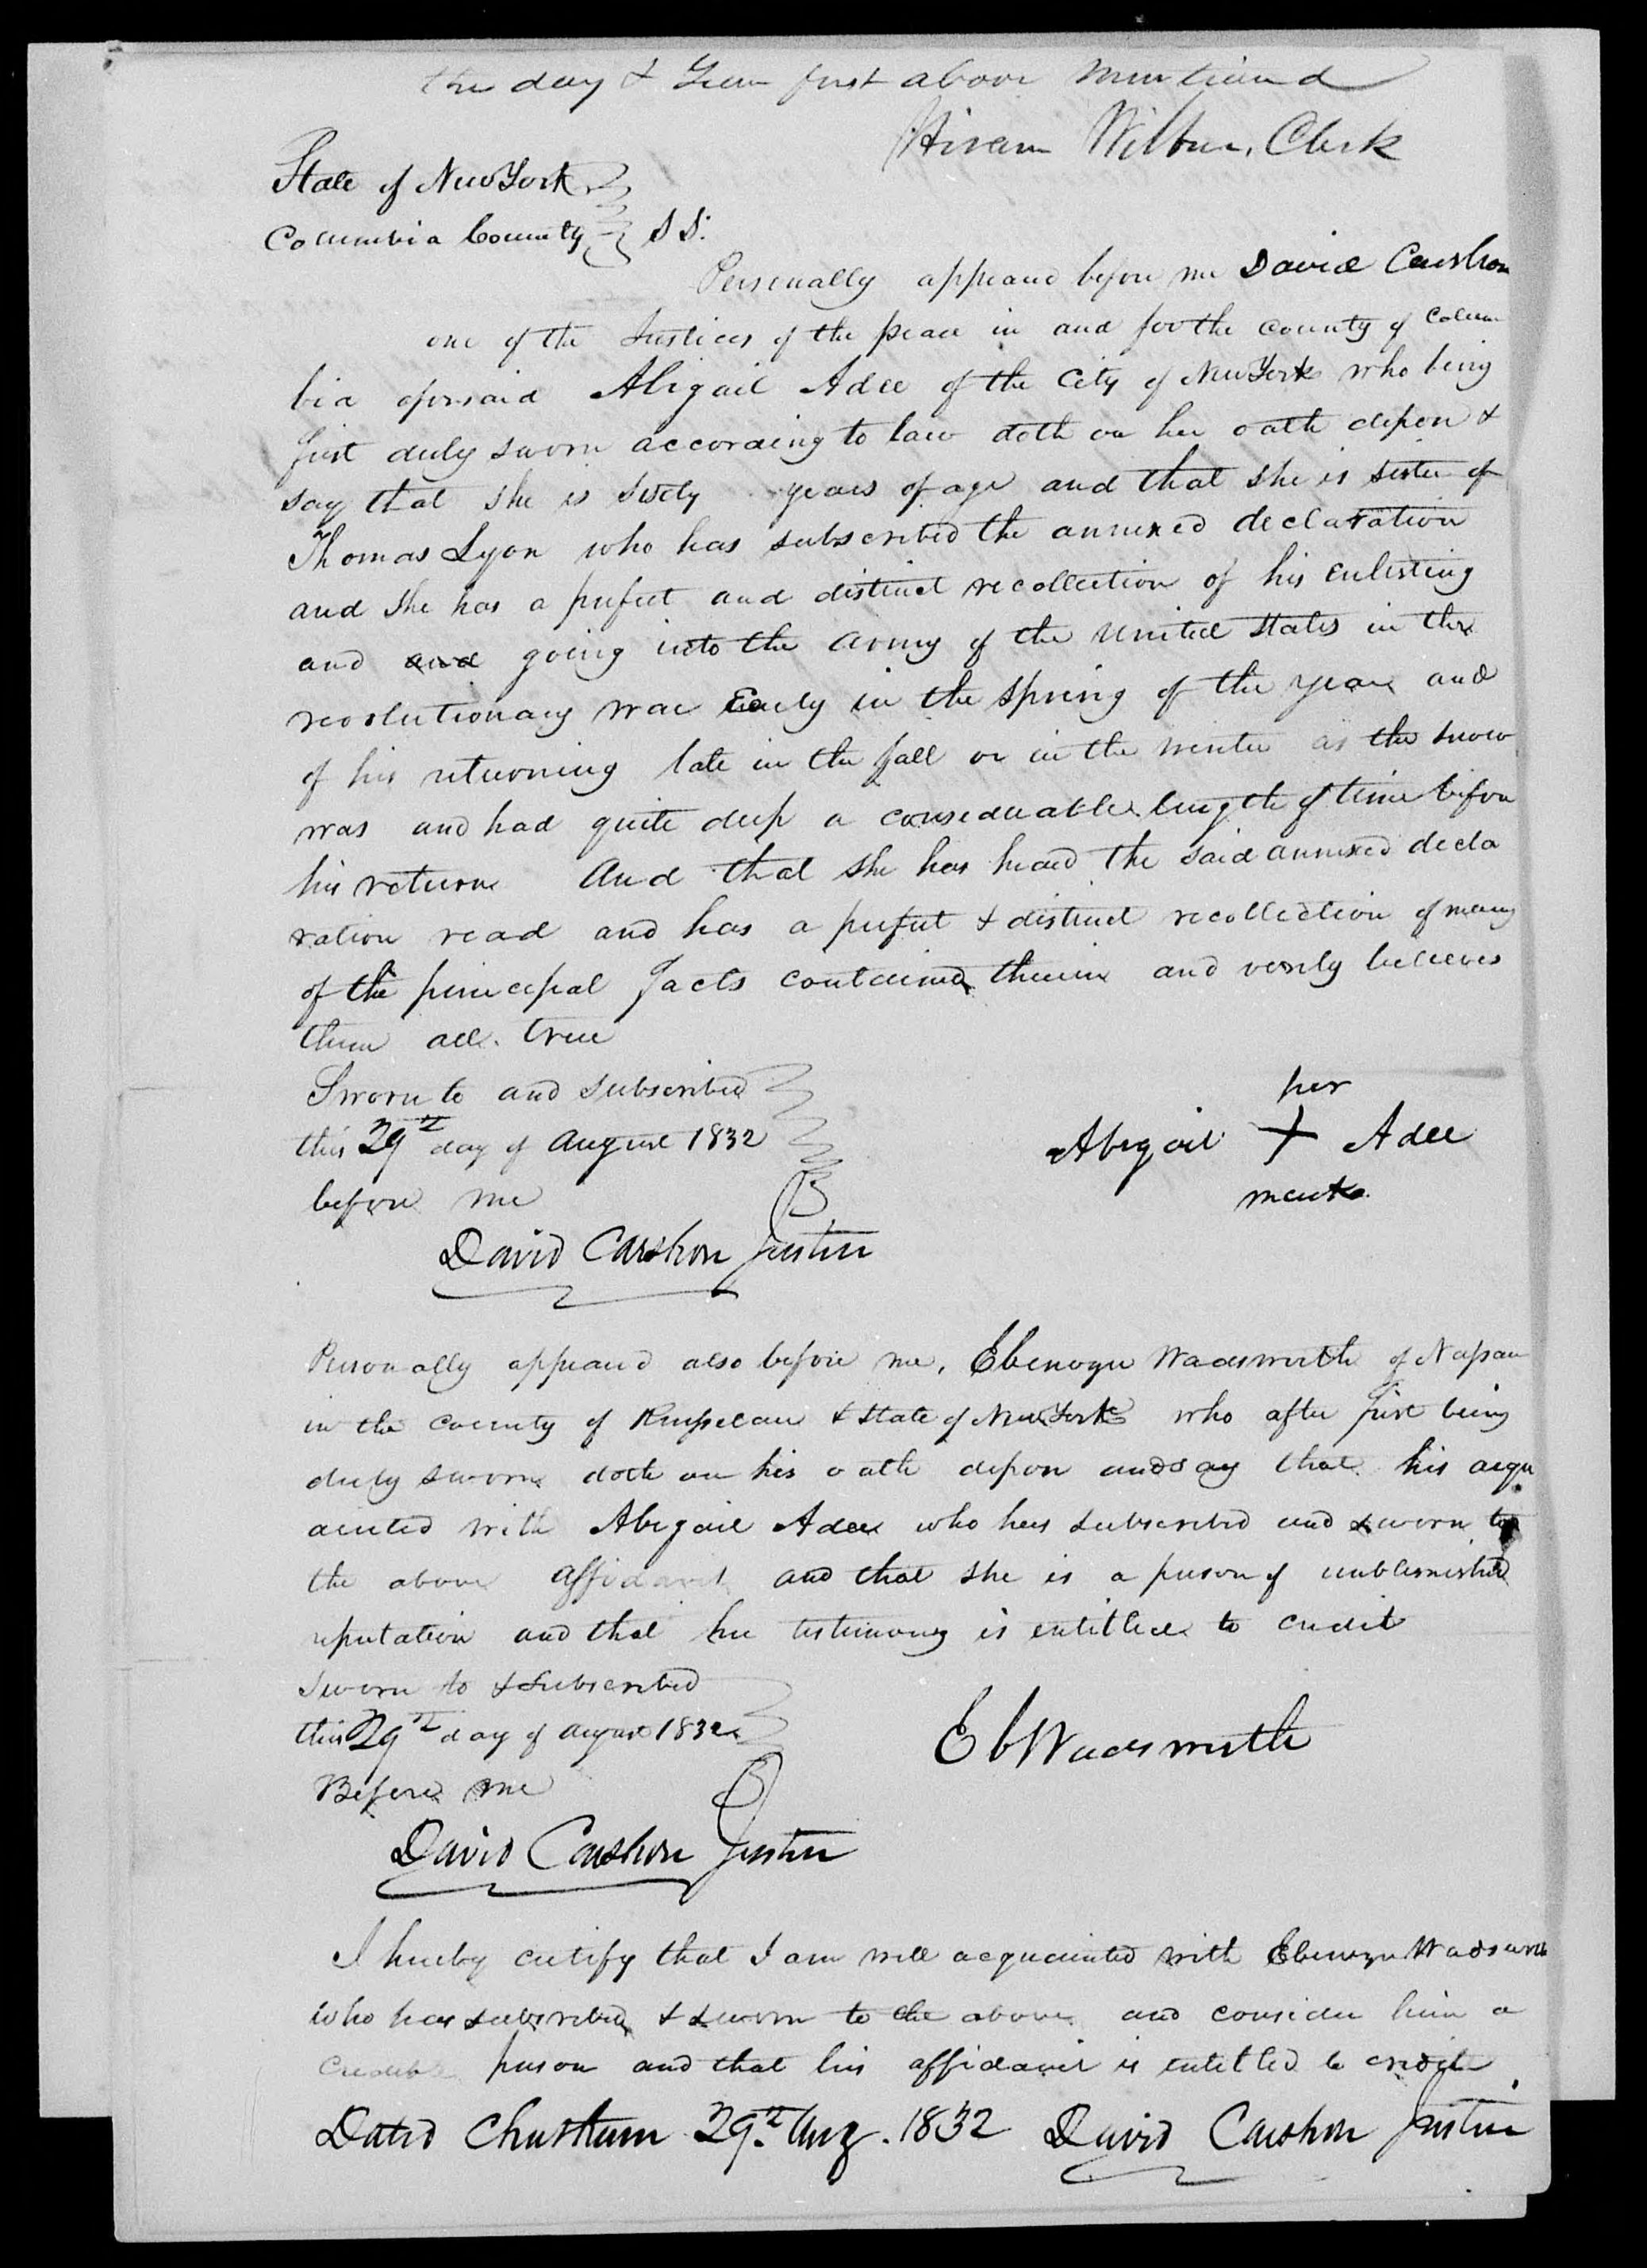the day & year first above mentioned
Hiram Wilbur, Clerk

State of New York
Columbia County ⎬ SS.
Personally appeared before me David Carshore
one of the Justices of the peace in and for the County of Columbia aforesaid Abigail Adee of the City of New York who being first duly sworn according to law doth on her oath depose & say that she is Sixty years of age and that she is sister of Thomas Lyon who has subscribed the annexed declaration and she has a perfect and distinct recollection of his enlisting and going into the Army of the United States in the revolutionary war Early in the spring of the year and of his returning late in the fall or in the winter as the snow was and had quite deep a considerable length of time before his return And that she has heard the said annexed declaration read and has a perfect & distinct recollection of many of the principal facts contained therein and verily believes them all, true
          her
Abigail X Adee
        mark
Sworn to and subscribed
this 29th day of August 1832
before me
David Carshore Justice

Personally appeared also before me, Ebenezer Wadsworth of Nassau in the County of Rensselaer & State of New York who after first being duly sworn doth on his oath depose and say that his acquainted with Abigail Adee who has subscribed and sworn to the above affidavit and that she is a person of unblemished reputation and that her testimony is entitled to credit
Eb Wadsworth
Sworn to & Subscribed
this 29th day of August 1832
Before me
David Carshore Justice

I hereby certify that I am well acquainted with Ebenezer Wadsworth who has subscribed & sworn to the above and consider him a creditable person and that his affidavit is entitled to credit
Dated Chatham 29th Aug 1832 David Carshore Justice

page: 5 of 28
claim: survivor's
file: S. 21,872, for Thomas Lyon, New York